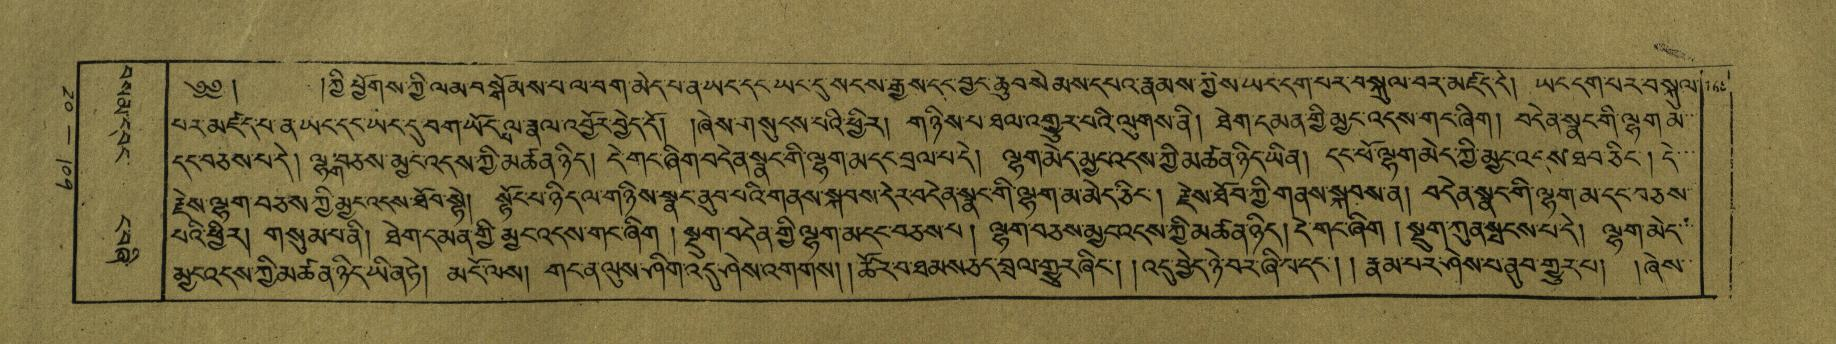༄༅། །ཀྱི་ཕྱོགས་ཀྱི་ལམ་བསྒོམས་པ་ལ་བག་མེད་པ་ན་ཡང་དང་ཡང་དུ་སངས་རྒྱས་དང་བྱང་ཆུབ་སེམས་དཔའ་རྣམས་ཀྱིས་ཡང་དག་པར་བསྐུལ་བར་མཛད་དེ། ཡང་དག་པར་བསྐུལ་
པར་མཛད་པ་ན་ཡང་དང་ཡང་དུ་བག་ཡོད་པ་ལ་རྣལ་འབྱོར་བྱེད་དོ། །ཞེས་གསུངས་པའི་ཕྱིར། གཉིས་པ་ཐལ་འགྱུར་པའི་ལུགས་ནི། ཐེག་དམན་གྱི་མྱང་འདས་གང་ཞིག། བདེན་སྣང་གི་ལྷག་མ་
དང་བཅས་པ་དེ། ལྷག་བཅས་མྱང་འདས་ཀྱི་མཚན་ཉིད། དེ་གང་ཞིག་བདེན་སྣང་གི་ལྷག་མ་དན་བྲལ་པ་དེ། ལྷག་མེད་མྱང་འདས་ཀྱི་མཚན་ཉིད་ཡིན། དང་ཕོ་ལྷག་མེད་ཀྱི་མྱང་འདས་ཐབ་ཅིང་། དེ་
རྗེས་ལྷག་བཅས་ཀྱི་མྱང་འདས་ཐོབ་སྟེ། སྟོང་པ་ཉིད་ལ་གཉིས་སྣང་ནུབ་པའི་གནས་སྐབས་དེར་བདེན་སྣང་གི་ལྷག་མ་མེད་ཅིང་། རྗེས་ཐོབ་ཀྱི་གནས་སྐབས་ན། བདེན་སྣང་གི་ལྷག་མ་དང་བཅས་
པའི་ཕྱིར། གསུམ་པ་ནི། ཐེག་དམན་གྱི་མྱང་འདས་གང་ཞིག །སྡུག་བདེན་གྱི་ལྷག་མ་དང་བཅས་པ། ལྷག་བཅས་མྱང་འདས་ཀྱི་མཚན་ཉིད། དེ་གང་ཞིག །སྡུག་ཀུན་སྤངས་པ་དེ། ལྷག་མེད་
མྱང་འདས་ཀྱི་མཚན་ཉིད་ཡིན་ཏེ། མདོ་ལས། གང་ན་ལུས་ཤིག་འདུ་ཤེས་འགགས། །ཚོར་བ་ཐམས་ཅད་བྲལ་གྱུར་ཞིང་། །འདུ་བྱེད་ཉེ་བར་ཞི་པ་དང་། །རྣམ་པར་ཤེས་པ་ནུབ་གྱུར་པ། །ཞེས་